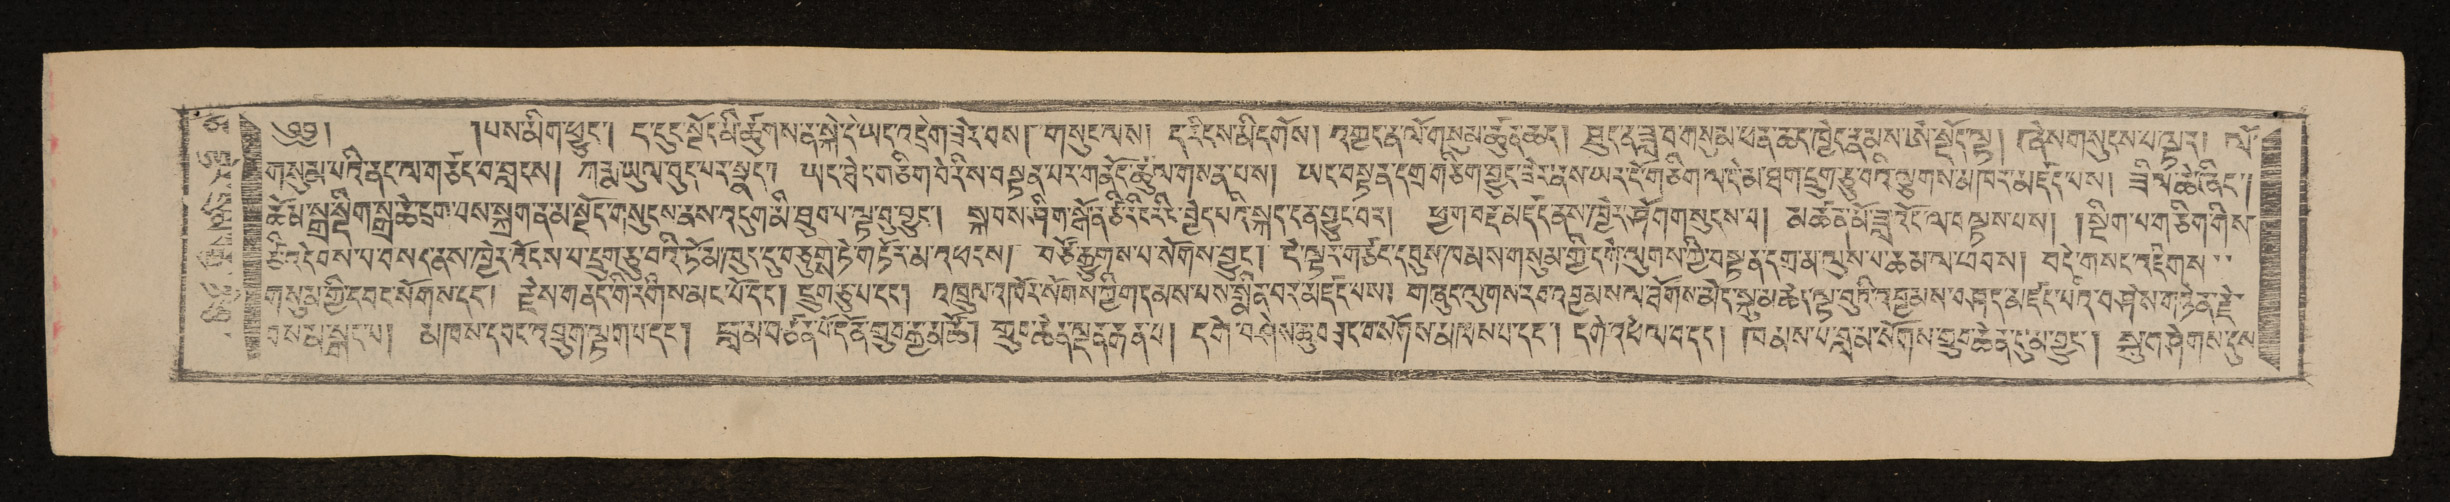༄༅། །པས་མིག་ཕྱུང་། ད་དུང་སྡོད་མི་ཚུགས་ན་སྒེ་དེ་ཡང་འདྲེག་ཟེར་བས། གསུང་ལས། ད་རིངས་མི་དགོས། འགྱང་ན་ལོ་གསུམ་ཚུན་ཆད། ཐུང་ན་ཟླ་བ་གསུམ་ཕན་ཆད་ཁྱེད་རྣམས་ཨེ་སྡོད་ལྟ། ཞེས་གསུངས་པ་ལྟར། ལོ་
གསུམ་པའི་ནང་ལ་གཙང་བ་བླངས། ཀརྨ་ཡུལ་བུད་པར་སྣང་། ཡང་ཐེང་གཅིག་བེ?་རིས་བསྟན་པར་གནོད་ཚུལ་གསན་པས། ཡང་བསྟན་དགྲ་གཅིག་བྱུང་ཟེར་ནས་ཡར་ངོ་གཅིག་ལ་དེ་མཐག་དྲུག་ཅུ་པའི་ལྕགས་མཁར་མཛད་པས། བྲིལ་ཆེ་ཞིང་།
ཆོམ་སྒྲ་སྡིག་སྒྲ་ཆེ་དྲག་པས་སྐྲ་གནམ་སྡོད་གསུངས་ནས་འདུག་མི་ཐུབ་པ་ལྟ་བུ་བྱུང་། སྐབས་ཤིག་སྒོ་ན་ཙི?་རིང་རིང་བྱེད་པའི་སྐད་ངན་བྱུང་བར། ཕྱག་བརྡ་མཛད་ནས་ཁྱེར་ཤོག་གསུངས་པ། མཚན་མོ་ཟླ་འོད་ལ་བལྟས་པས། སྡིག་པ་གཅིག་གིས་
ཙི་འདེབས་པ་བསད་ནས་ཁྱེར་འོངས་པ་དྲུག་ཅུ་པའི་ཧོ་མཁུང་དུ་བཅུགས་ཏེ་གཏོར་མ་འཕངས། བཙོ་རྒྱུགས་བ་སོགས་བྱུང་། དེ་ལྟར་གཙང་དབུས་ཁམས་གསུམ་གྱི་དགེ་ལུགས་ཀྱི་བསྟན་དགྲ་མ་ལུས་པ་ཆམ་ལ་ཕབས། བདེ་གསང་འཇིགས་
གསུམ་གྱི་དབང་སོགས་དང་། རྗེས་གནང་གི་རིགས་མང་པོ་དང་། དྲུག་ཅུ་པ་དང་། འཁྲུལ་འཁོར་སོགས་ཀྱི་གདམས་པས་སྨིན་པར་མཛད་པས། གཞུང་ལུགས་རབ་འབྱམས་ལ་ཐོགས་མེད་སྐུ་མཆེད་ལྟ་བུའི་འབྱམས་བཤད་མཛད་པའི་བཤེས་གཉེན་རྗེ་
བསམ་སྒང་པ། མཁས་དབང་འབྲུག་ལྟག་པ་དང་། བླ་མ་བཙན་པོ་དོན་གྲུབ་རྒྱ་མཚོ། གྲུབ་ཆེན་ལྡན་རྒན་པ། དགེ་བཤེས་ཆུ་བཟང་བ་སོགས་མཁས་པ་དང་། དགེ་འཕེལ་བ་དང་། ཁམས་བ་བླ་མ་སོགས་གྲུབ་ཆེན་དུ་མ་བྱུང་། སྐུ་གཤེགས་དུས་